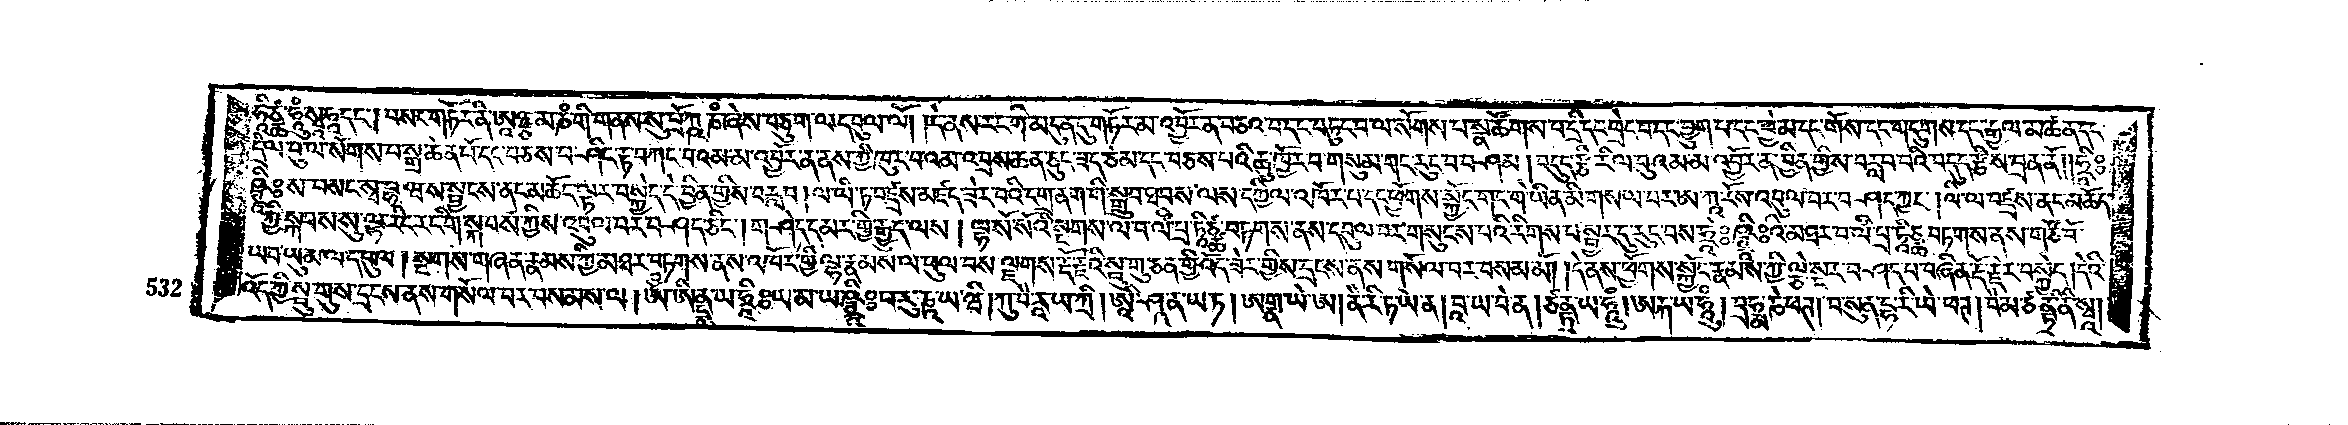ཧཱི་ཙྪ་ཧཱུཾ་སྭཱཧཱ་དང་། བསང་གཏོར་ནི་ཨཱརྙྩམ་མ་ཎཾ་གི་གནས་སུ་པྲོ་ཀྵ་ཎཾ་ཞེས་བཅུག་ལ་དབུལ་ལོ། །དེ་ནས་རང་གི་མདུན་དུ་གཏོར་མ་འབྱོར་ན་བཅའ་བ་དང་བཏུང་བ་ལ་སོགས་པ་སྣ་ཚོགས་པ་དྲི་དང་ཕྲེང་བ་དང་བྱུག་པ་དང་ཕྱེ་མ་དང་གོས་དང་གདུགས་དང་རྒྱལ་མཚན་དང་
དྲིལ་བུ་ལ་སོགས་པ་སྒྲ་ཆེན་པོ་དང་བཅས་པ་ཤིང་རྟ་བཀང་བའམ་མ་འབྱོར་ན་ནས་ཀྱི་ཁུར་བ་འམ་འབྲས་ཆན་ཅུང་ཟད་ཙམ་དང་བཅས་པའི་ཆུ་ཁྱོར་བ་གསུམ་གང་རུང་བ་བཤམ། བདུད་རྩི་རིལ་བུའམ་མ་འབྱོར་ན་བྱིན་གྱིས་བརླབ་བའི་བདུད་རྩིས་བྲན་ནོ། །ཧྲཱིཿ
ཥྚྲཱིཿ ས་བསང་སྭ་བྷཱ་ཝ་ས་སྦྱངས་ནང་མཆོད་ལྟར་བསྐྱེད་དེ་བྱིན་གྱིས་བརླབ། ལ་ལི་ཏ་བཛྲས་མཛད་ཟེར་བའི་དགྲ་ནག་གི་སྒྲུབ་ཐབས་ལས་དཀྱིལ་འཁོར་པ་དང་ཕྱོགས་སྐྱོང་གང་གི་ཡིན་མི་གསལ་བར་ཨ་ཀཱ་རོས་འབུལ་བར་བཤད་ཀྱང་། ལ་ལི་བཛྲས་ནང་མཆོད་
ཀྱི་སྐབས་སུ་ལྷ་རང་རང་གི་སྐབས་ཀྱིས་འབུལ་བར་བཤད་ཅིང་། གཤེད་དམར་གྱི་རྒྱུད་ལས། ལྷ་སོ་སོའི་སྔགས་ལ་བ་ལིཾ་པྲ་ཏཱིཙྪ་བཏགས་ནས་དབུལ་བར་གསུངས་པའི་རིགས་པ་སྦྱར་དུ་རུང་བས་ཧྲཱིཿ ཥྚྲཱིཿ ཨཱི་མཐར་བ་ལི་པྲ་ཏཱིཙྪ་བཏགས་ནས་གཙོ་བོ་
ཡབ་ཡུམ་ལ་དབུལ། སྔགས་གཞན་རྣམས་ཀྱི་མཐར་བཏགས་ནས་འཁོར་གྱི་ལྷ་རྣམས་ལ་ཕུལ་བས་ལྗགས་རྡོ་རྗེའི་སྦུ་གུ་ཅན་གྱི་འོད་ཟེར་གྱིས་དྲངས་ནས་གསོལ་བར་བསམ་མོ། །དེ་ནས་ཕྱོགས་སྐྱོང་རྣམས་ཀྱི་ལྕེ་སྔར་བཤད་པ་བཞིན་རྡོ་རྗེར་བསྐྱེད། དེའི་
འོད་ཀྱི་སྦུ་གུས་དྲངས་ནས་གསོལ་བར་བསམས་ལ། ཨོཾ་ཨིནྡྲཱ་ཡ་ཧྲཱིཿ ཡ་མ་ཡ་ཥྚྲཱིཿ བ་རུ་ཎཱ་ཡ་ཝི། ཀུ་བཻ་རཱ་ཡ་ཀྲི། ཨཱི་ཤཱ་ན་ཡ་ཏ། ཨགན་ཡེ་ཨ། ནཻ་རི་ཏ་ཡེ་ན། བཱ་ཡ་བེ་ན། ཙནྟྲ་ཡ་ཧཱུཾ། ཨརྐ་ཡ་ཧཱུཾ། བྲཧྨ་ཎེ་ཕཊ། བ་སུན་དྷ་རི་ཡེ་ཕཊ། བཻ་མ་ཙནྟྲི་ནི་སྭཱ།